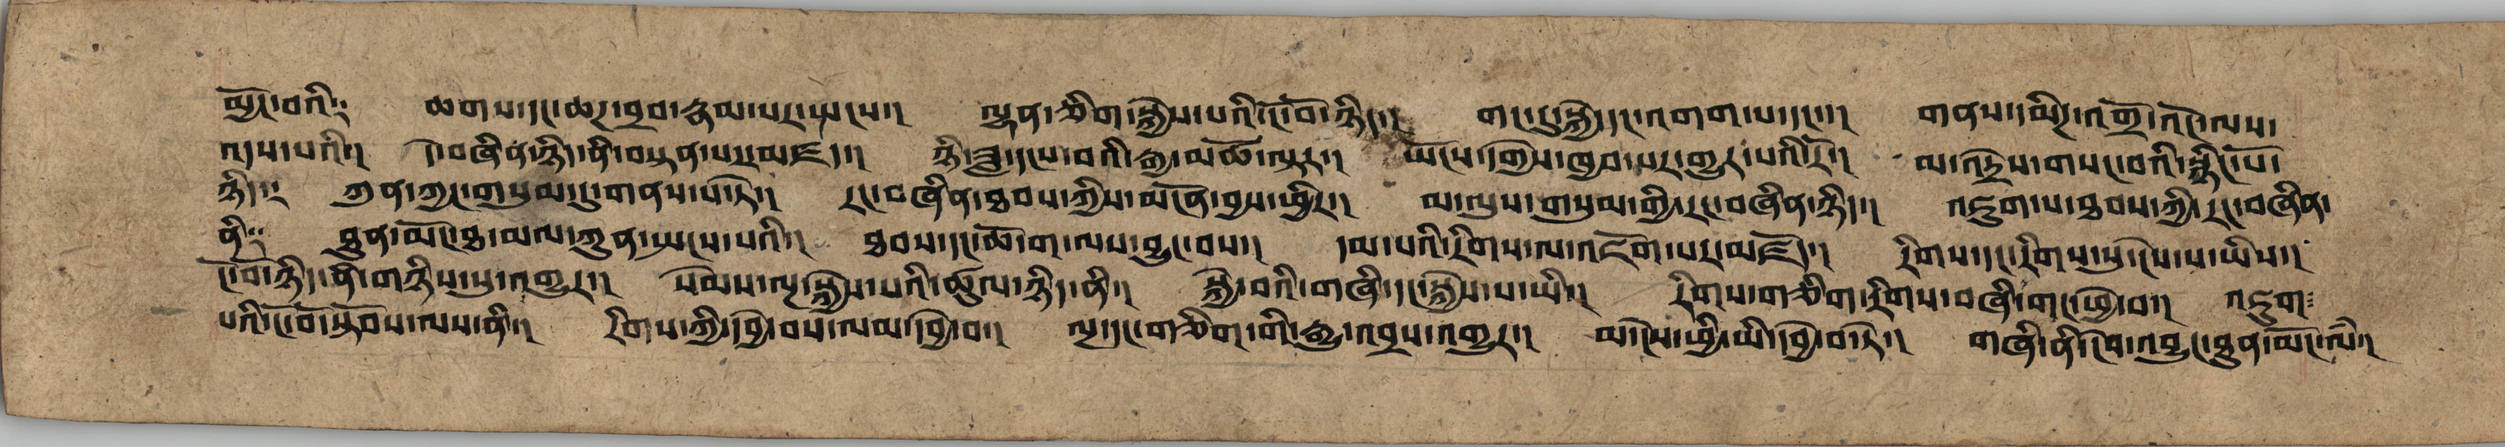མྱོང་བའི༑ ཆགས་དང་ཆཌ་བྲབ་རྣམ་པར་སྤངས་། ལྷན་ཅིག་སྐྱེས་པའི་ངོ་བོ་ཉིད་། གང་དུ་སྐྱེ་དང་འགག་པ་དང་་། གནས་དམིཌ་འགྲོ་འོང་ལས་
འདས་པའི་། དེ་བཞིན་ཉིད་ནི་བསྟན་པར་མཛད་། ཉི་ཟླ་དངས་བའི་རྒྱ་མཚོ་ལྟར་། ཡོངས་དགྱེས་ཁྱབ་པར་གྱུར་པའི་རོ་། མ་འདྲེས་གསང་བའི་སྙིང་པོ་
ཉིད༑ ཀུན་ཀྱང་གསུམ་དུ་གནས་པ་ཏེ་། རང་བཞིན་ཐབས་ཀྱིས་མངོན་བྱས་ཕྱིར་། མ་ལུས་གསུམ་གྱི་རང་བཞིན་ཉིད་། འཇུག་པ་ཐབས་ཀྱི་རང་བཞིན་
ནི༑ ཐུན་མོང་ཐ་མལ་ཀུན་སྤངས་པའི་། ཐབས་དང་ཆོ་ག་ལས་བྱུང་བས་། དམ་པའི་རིགས་ལ་འཇོག་པར་མཛོད་། རིགས་དང་རིགས་སུ་ངེས་པ་ཡིས་།
ངོ་བོ་ཉིད་ནི་གཉིས་སུ་འགྱུར་། སེམས་ལྔ་སྐྱེས་པའི་ཚུལ་ཉིད་ནི་། སྐྱེ་བའི་གཞི་དང་སྐྱེས་པ་ཡི་། རིགས་གཅིག་རིགས་བཞི་གང་ཕྱེ་བ་། འཇུག་
པའི་ངོ་བོ་སྟོབས་ལས་ནི་། རིགས་ཀྱི་དབྱེ་བས་ལམ་དབྱེ་བ་། ལྔ་དང་གཅིག་གི་རྒྱུ་འབྲས་འགྱུར་། མ་ངེས་ཕྱི་མི་དབྱེ་བ་ཏེ་། གཞི་ནི་ངེས་འབྱུང་ཐུན་མོང་ལ་།